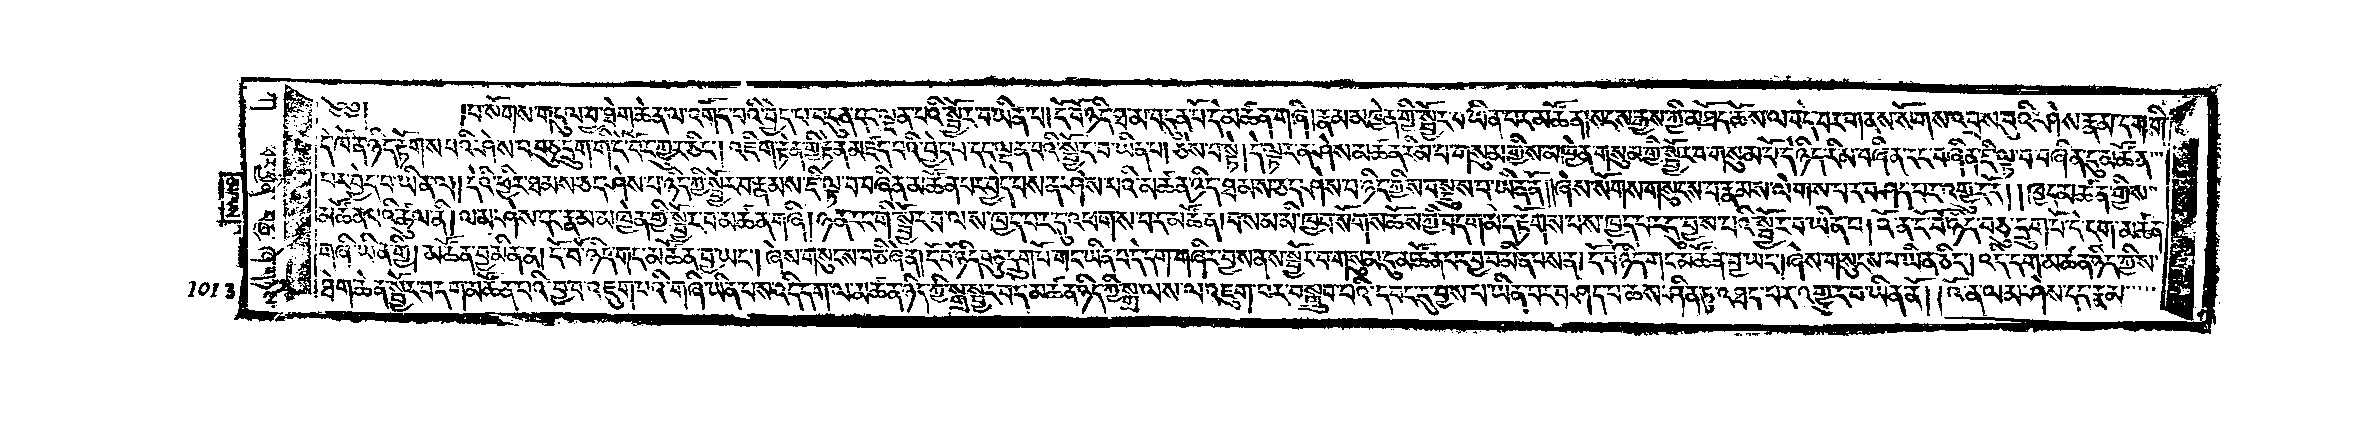༄༅། །པ་སོགས་གདུལ་བྱ་ཐེག་ཆེན་ལ་འགོད་པའི་བྱེད་པ་བདུན་དང་ལྡན་པའི་སྦྱོར་བ་ཡིན་པ། ངོ་བོ་ཉིད་ཐ་མ་བདུན་པོ་དེ་མཚན་གཞི། རྣམ་མཁྱེན་གྱི་སྦྱོར་བ་ཡིན་པར་མཚོན། སངས་རྒྱས་ཀྱི་མཐོང་ཆོས་ལ་བདེ་བར་གནས་སོགས་འབྲས་བུའི་ཤེས་རྣམ་དག་གི་
དེ་ཁོ་ན་ཉིད་རྟོགས་པའི་ཤེས་པ་བཅུ་དྲུག་གི་ངོ་བོར་གྱུར་ཅིང་། འཇིག་རྟེན་གྱི་རྟེན་མཛད་པའི་བྱེད་པ་དང་ལྡན་པའི་སྦྱོར་བ་ཡིན་པ། ཅེས་པ་སྟེ། དེ་ལྟར་ན་ཤེས་མཚན་རིམ་པ་གསུམ་གྱིས་མཁྱེན་གསུམ་གྱི་སྦྱོར་བ་གསུམ་པོ་དེ་ཉིད་རིམ་བཞིན་རང་བཞིན་ཇི་ལྟ་བ་བཞིན་དུ་མཚོན་
པར་བྱེད་པ་ཡིན་ལ། དེའི་ཕྱིར་ཐམས་ཅད་ཤེས་པ་ཉིད་ཀྱི་སྦྱོར་བ་རྣམས་ཇི་ལྟ་བ་བཞིན་མཚོན་པར་བྱེད་པས་ན་ཤེས་པའི་མཚན་ཉིད་ཐམས་ཅད་ཤེས་པ་ཉིད་ཀྱིས་བསྡུས་པ་ཡིན་ནོ། །ཞེས་སོགས་གསུངས་པ་རྣམས་ལེགས་པར་བཤད་པར་འགྱུར་རོ། །ཁྱད་མཚན་གྱིས་
མཚོན་པའི་ཚུལ་ནི། ལམ་ཤེས་དང་རྣམ་མཁྱེན་གྱི་སྦྱོར་བ་མཚན་གཞི། ཉན་རང་གི་སྦྱོར་བ་ལས་ཁྱད་པར་དུ་འཕགས་པར་མཚོན། བསམ་མི་ཁྱབ་སོགས་ཆོས་ཀྱི་བདག་མེད་རྟོགས་པས་ཁྱད་པར་དུ་བྱས་པའི་སྦྱོར་བ་ཡིན་པ། འོ་ན་ངོ་བོ་ཉིད་བཅུ་དྲུག་པོ་དེ་དག་མཚན་
གཞི་ཡིན་གྱི། མཚོན་བྱ་མིན་ན། ངོ་བོ་ཉིད་གང་མཚོན་བྱ་ཡང་། ཞེས་གསུངས་པ་ཅི་ཞེ་ན། ངོ་བོ་ཉིད་བཅུ་དྲུག་པོ་གང་ཡིན་པ་དེ་དག་གཞིར་བྱས་ནས་སྦྱོར་བ་གསུམ་དུ་མཚོན་པར་བྱ་བ་མིན་པས་ན། ངོ་བོ་ཉིད་གང་མཚོན་བྱ་ཡང་། ཞེས་གསུངས་པ་ཡིན་ཅིང་། འདི་དག་མཚན་ཉིད་ཀྱིས་
ཐེག་ཆེན་སྦྱོར་བ་དག་མཚོན་པའི་བྱ་བ་འཇུག་པའི་གཞི་ཡིན་པས་འདི་དག་ལ་མཚན་ཉིད་ཀྱི་སྒྲ་སྦྱར་བ་དེ་མཚན་ཉིད་ཀྱི་སྒྲ་ལས་ལ་འཇུག་པར་བསྒྲུབ་པའི་དབང་དུ་བྱས་པ་ཡིན་པར་བཤད་པ་ཆས་ཤིན་ཏུ་འཐད་པར་འགྱུར་བ་ཡིན་ནོ། །འོ་ན་ལམ་ཤེས་དང་རྣམ་